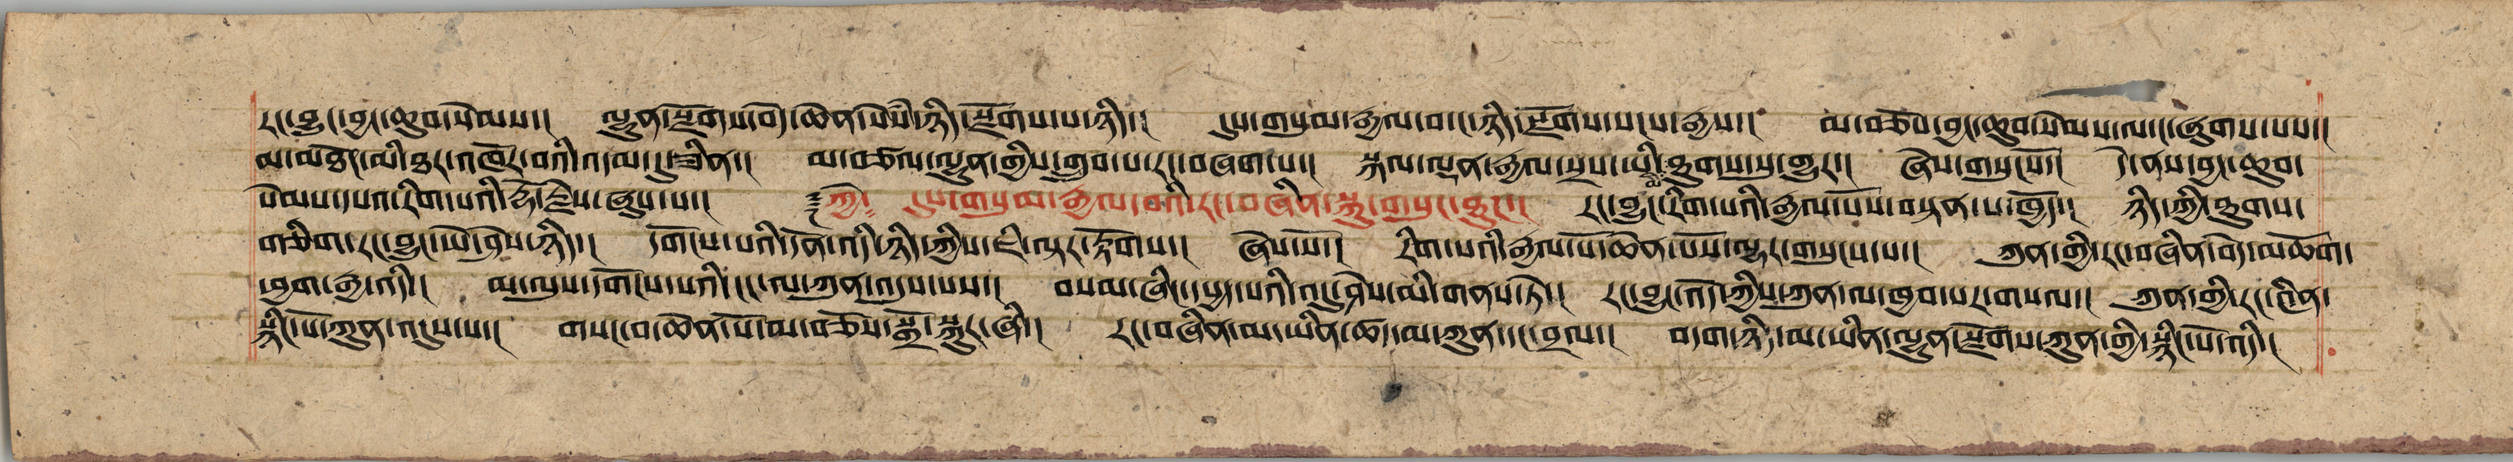རང་བྱུང་བྱང་ཆུབ་སེམས་། ལྷུན་སྫོགས་བདེ་ཆེན་སེཾས་ཉིད་སྫོགས་པ་ཉིད་། དུས་གསུམ་རྒྱལ་བ་ང་ཉིད་སྫོགས་སངས་རྒྱས་། མ་བཅོས་བྱང་ཆུབ་སེམས་ལ་ང་ཞུགས་པས་།
མ་མཐོང་མི་ཐར་འཁོར་བའི་འདམ་དུ་ཟིན་། མ་བརྩལ་ལྷུན་གྱིས་གྲུབ་པ་རང་བཞག་པ་། སྐལ་ལྡན་རྒྱལ་སྲས་ཡི་མི་ཐུགས་སུ་གྱུར་། ཞེས་གསུངསོ་། དེ་ནས་བྱང་ཆུབ་
སེམས་དཔའ་རིག་པའི་རྡོ་རྗེས་ཞུས་པ་། ༈ཀྱེ༴ དུས་གསུམ་རྒྱལ་བའི་རང་བཞིན་སྐུ་གསུང་ཐུཌ་། རང་བྱུང་རིག་པའི་རྒྱལ་པོས་བསྟན་པ་ཁྱོད་། ཉིད་ཀྱི་ཐུགས་
གཅིག་རང་བྱུང་ཡེ་ཤེས་ཉིད་། དགོངས་པའི་དོན་འདི་ཉིད་ཀྱིས་ཇི་ལྟར་རྟོགས་། ཞེས་སོ་། རིག་པའི་རྒྱལ་པོ་ཆེན་པོས་ལྷར་གསུངས་པ་། ཀུན་གྱི་རང་བཞིན་བདེ་མཆོག་
ཕྱག་རྒྱ་འདི་། མ་ལུས་དགོངས་པའི་ངང་ལ་ཀུན་འདུས་པས་། བསམ་ཞིང་དཔྱད་པའི་འདུ་ཤེས་མི་གནས་ཏེ་། རང་བྱུང་འོད་ཀྱིས་ཀུན་ལ་ཁྱབ་པར་གསལ་། ཀུན་གྱི་རང་༤ིན་
སྙིང་པོ་ཀུན་འདུས་པ་། གསང་བ་ཆེན་པོ་མ་བཅོས་སྒྲོ་སྐུར་ཞི་། རང་བཞིན་མ་ཡིན་ཚད་མ་ཀུན་དང་བྲལ་། བདག་ཉིད་མ་ཡིན་ལྷུན་སྫོགས་ཀུན་གྱི་སྙིང་པོ་འདི་།